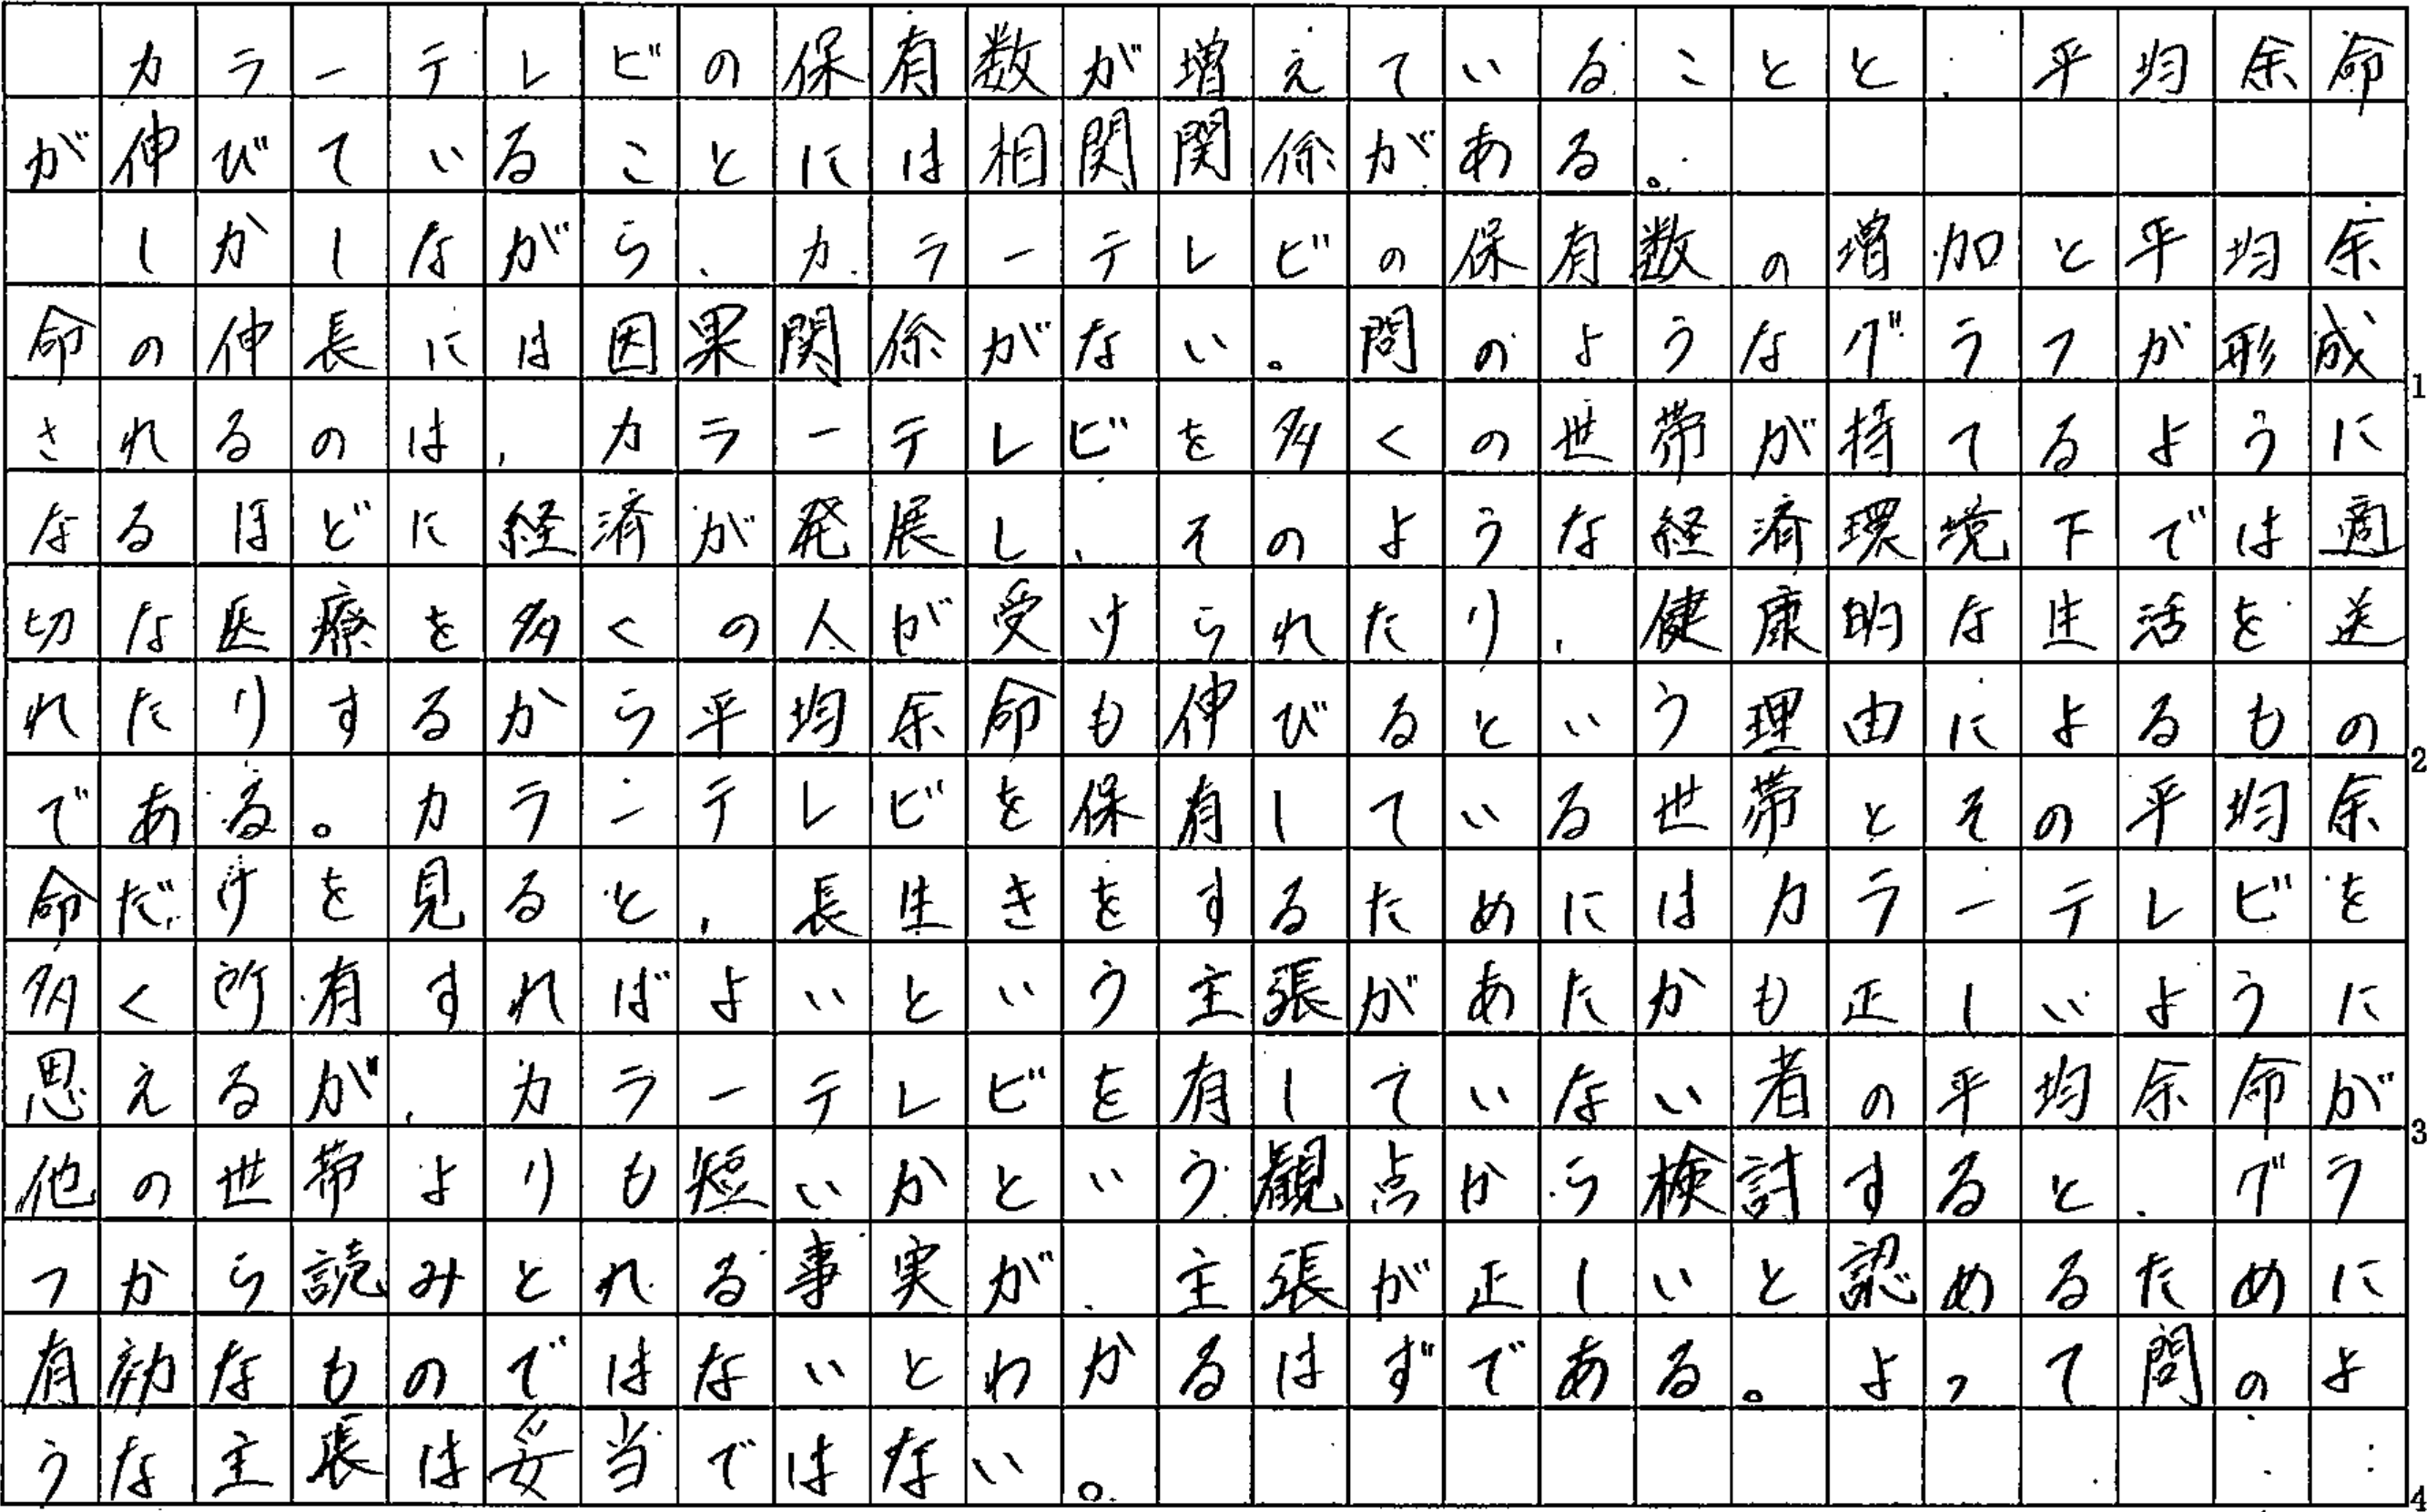　カラーテレビの保有数が増えていることと、平均余命が伸びていることには相関関係がある。
　しかしながら、カラーテレビの保有数の増加と平均余命の伸長には因果関係がない。問のようなグラフが形成されるのは、カラーテレビを多くの世帯が持てるようになるほどに経済が発展し、そのような経済環境下では適切な医療を多くの人が受けられたり、健康的な生活を送れたりするから平均余命も伸びるという理由によるものである。カラーテレビを保有している世帯とその平均余命だけを見ると、長生きをするためにはカラーテレビを多く所有すればよいという主張があたかも正しいように思えるが、カラーテレビを有していない者の平均余命が他の世帯よりも短いかという観点から検討すると、グラフから読みとれる事実が、主張が正しいと認めるために有効なものではないとわかるはずである。よって問のような主張は妥当ではない。
